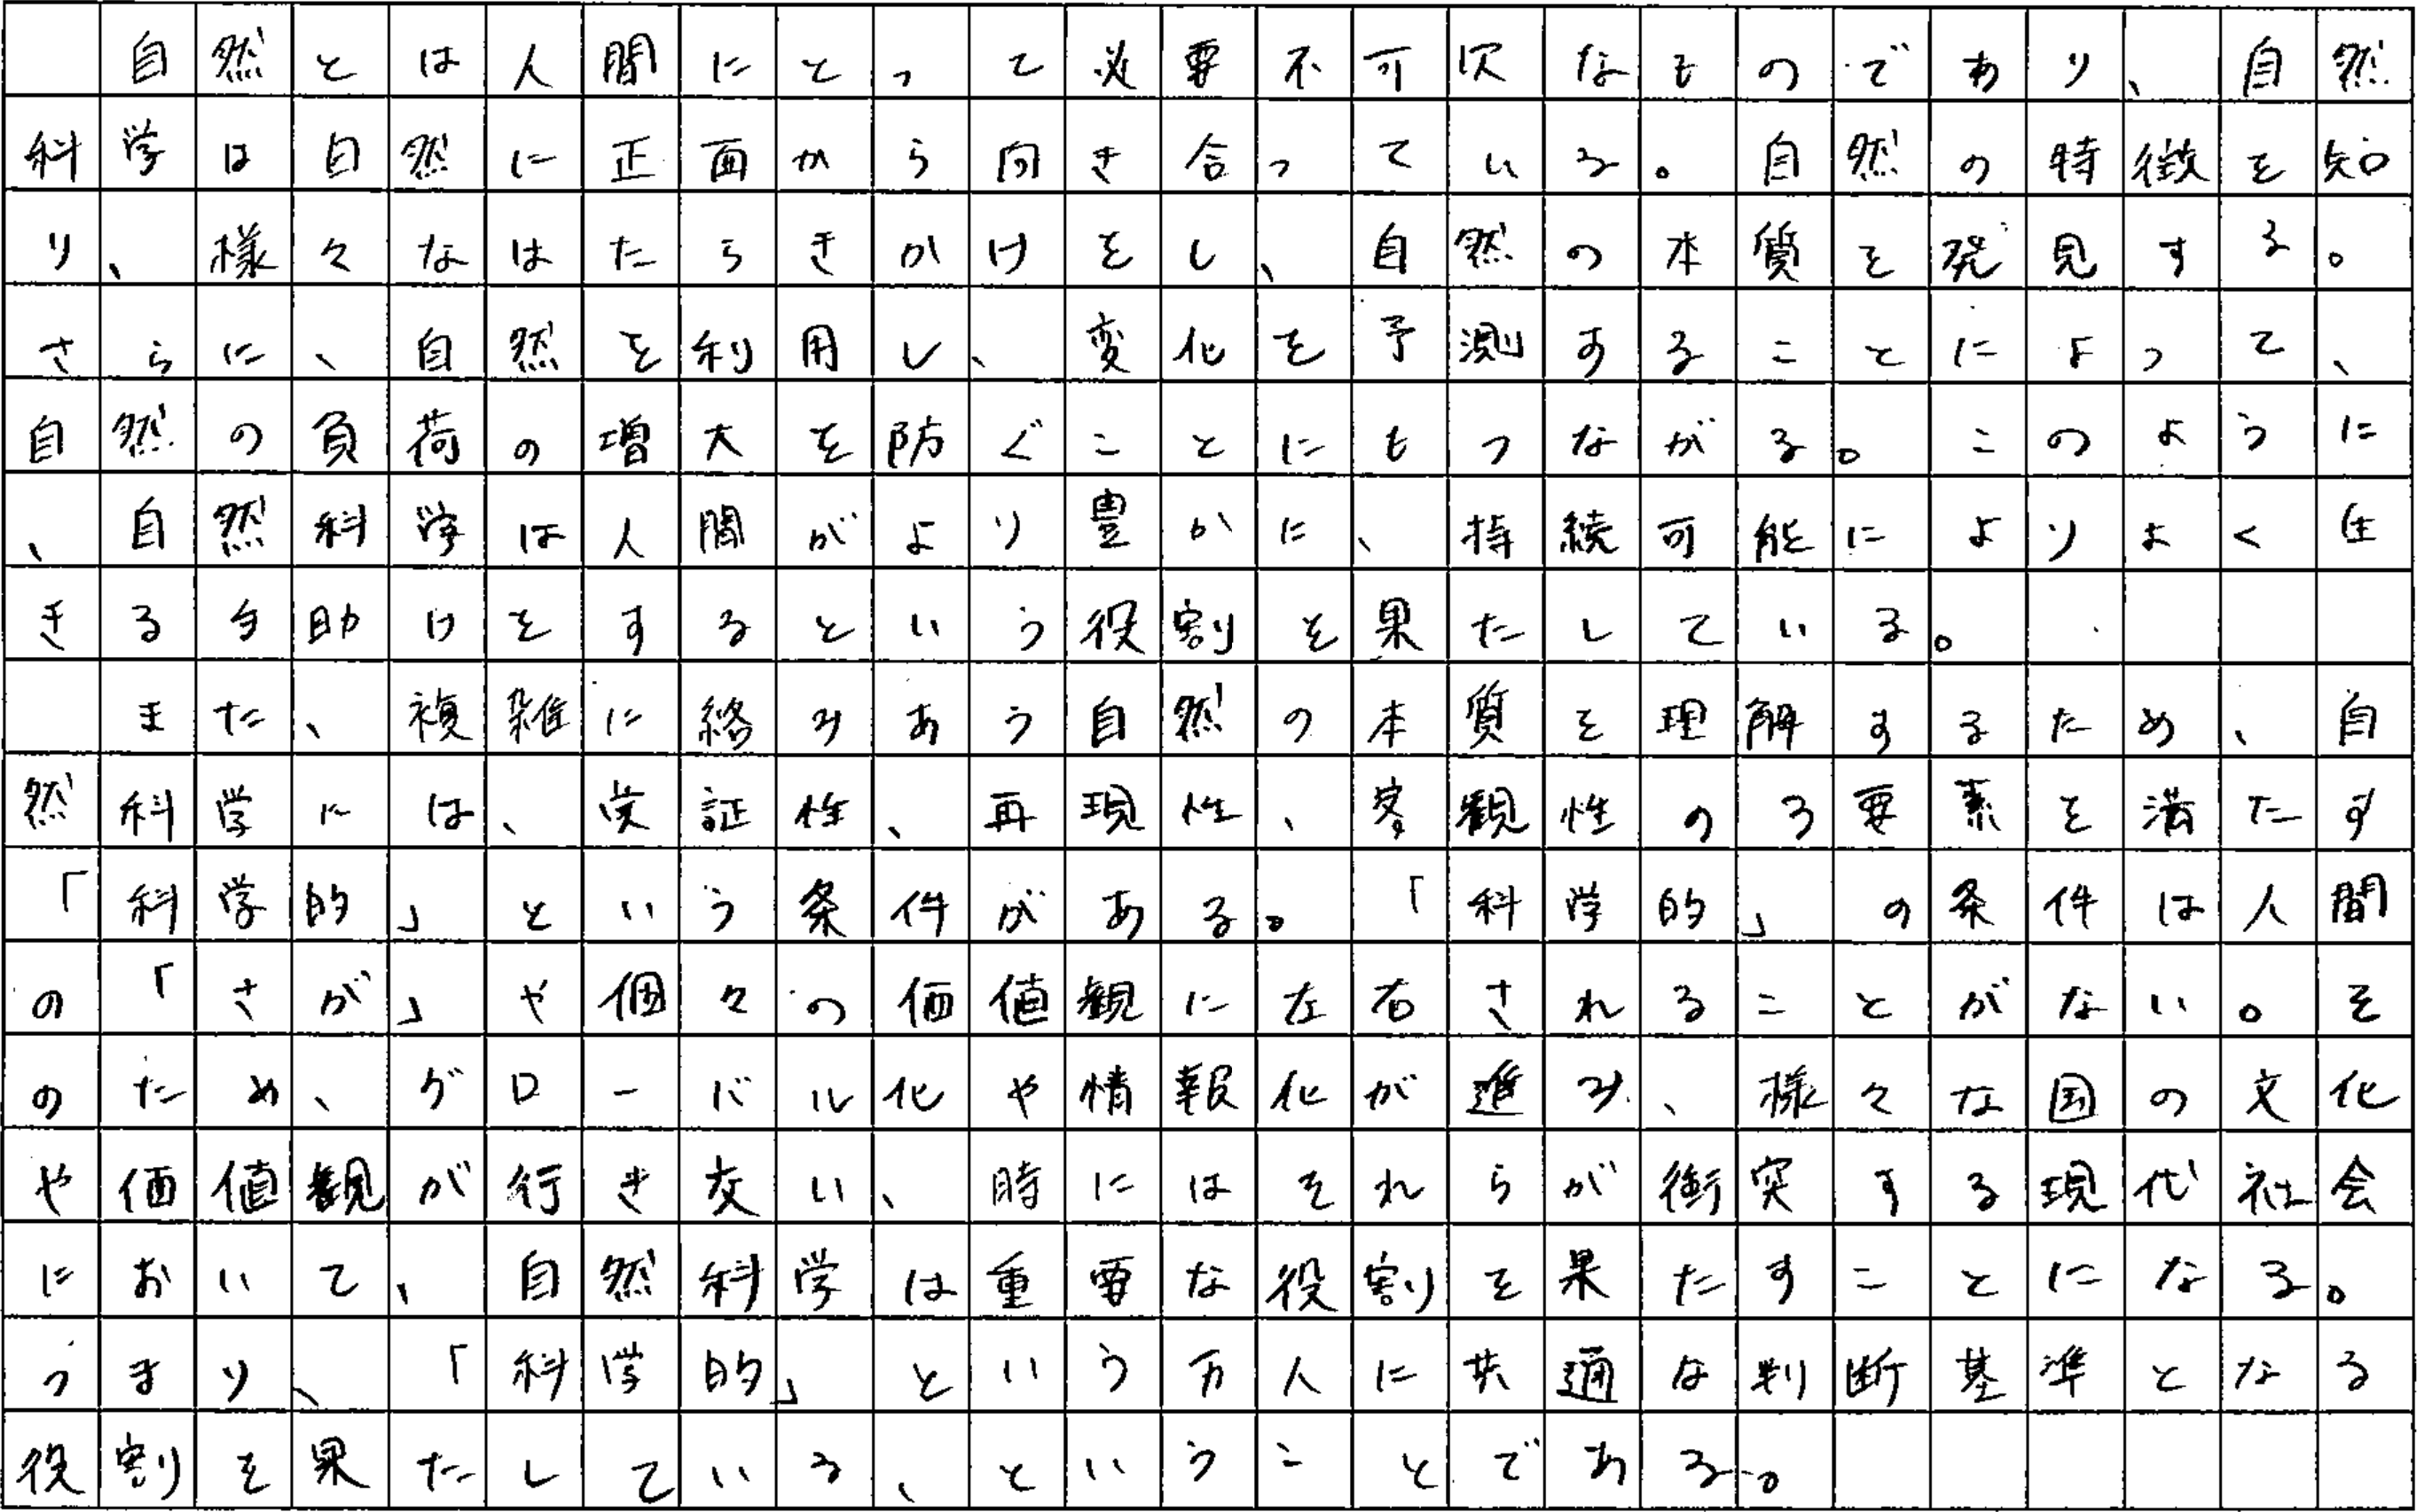自然とは人間にとって必要不可欠なものであり、自然科学は自然に正面から向き合っている。自然の特徴を知り、様々なはたらきかけをし、自然の本質を発見する。さらに、自然を利用し、変化を予測することによって、自然の負荷の増大を防ぐことにもつながる。このように、自然科学は人間がより豊かに、持続可能によりよく生きる手助けをするという役割を果たしている。
　また、複雑に絡みあう自然の本質を理解するため、自然科学には、実証性、再現性、客観性の３要素を満たす「科学的」という条件がある。「科学的」の条件は人間の「さが」や個々の価値観に左右されることがない。そのため、グローバル化や情報化が進み、様々な国の文化や価値観が行き交い、時にはそれらが衝突する現代社会において、自然科学は重要な役割を果たすことになる。つまり、「科学的」という万人に共通な判断基準となる役割を果たしている、ということである。
